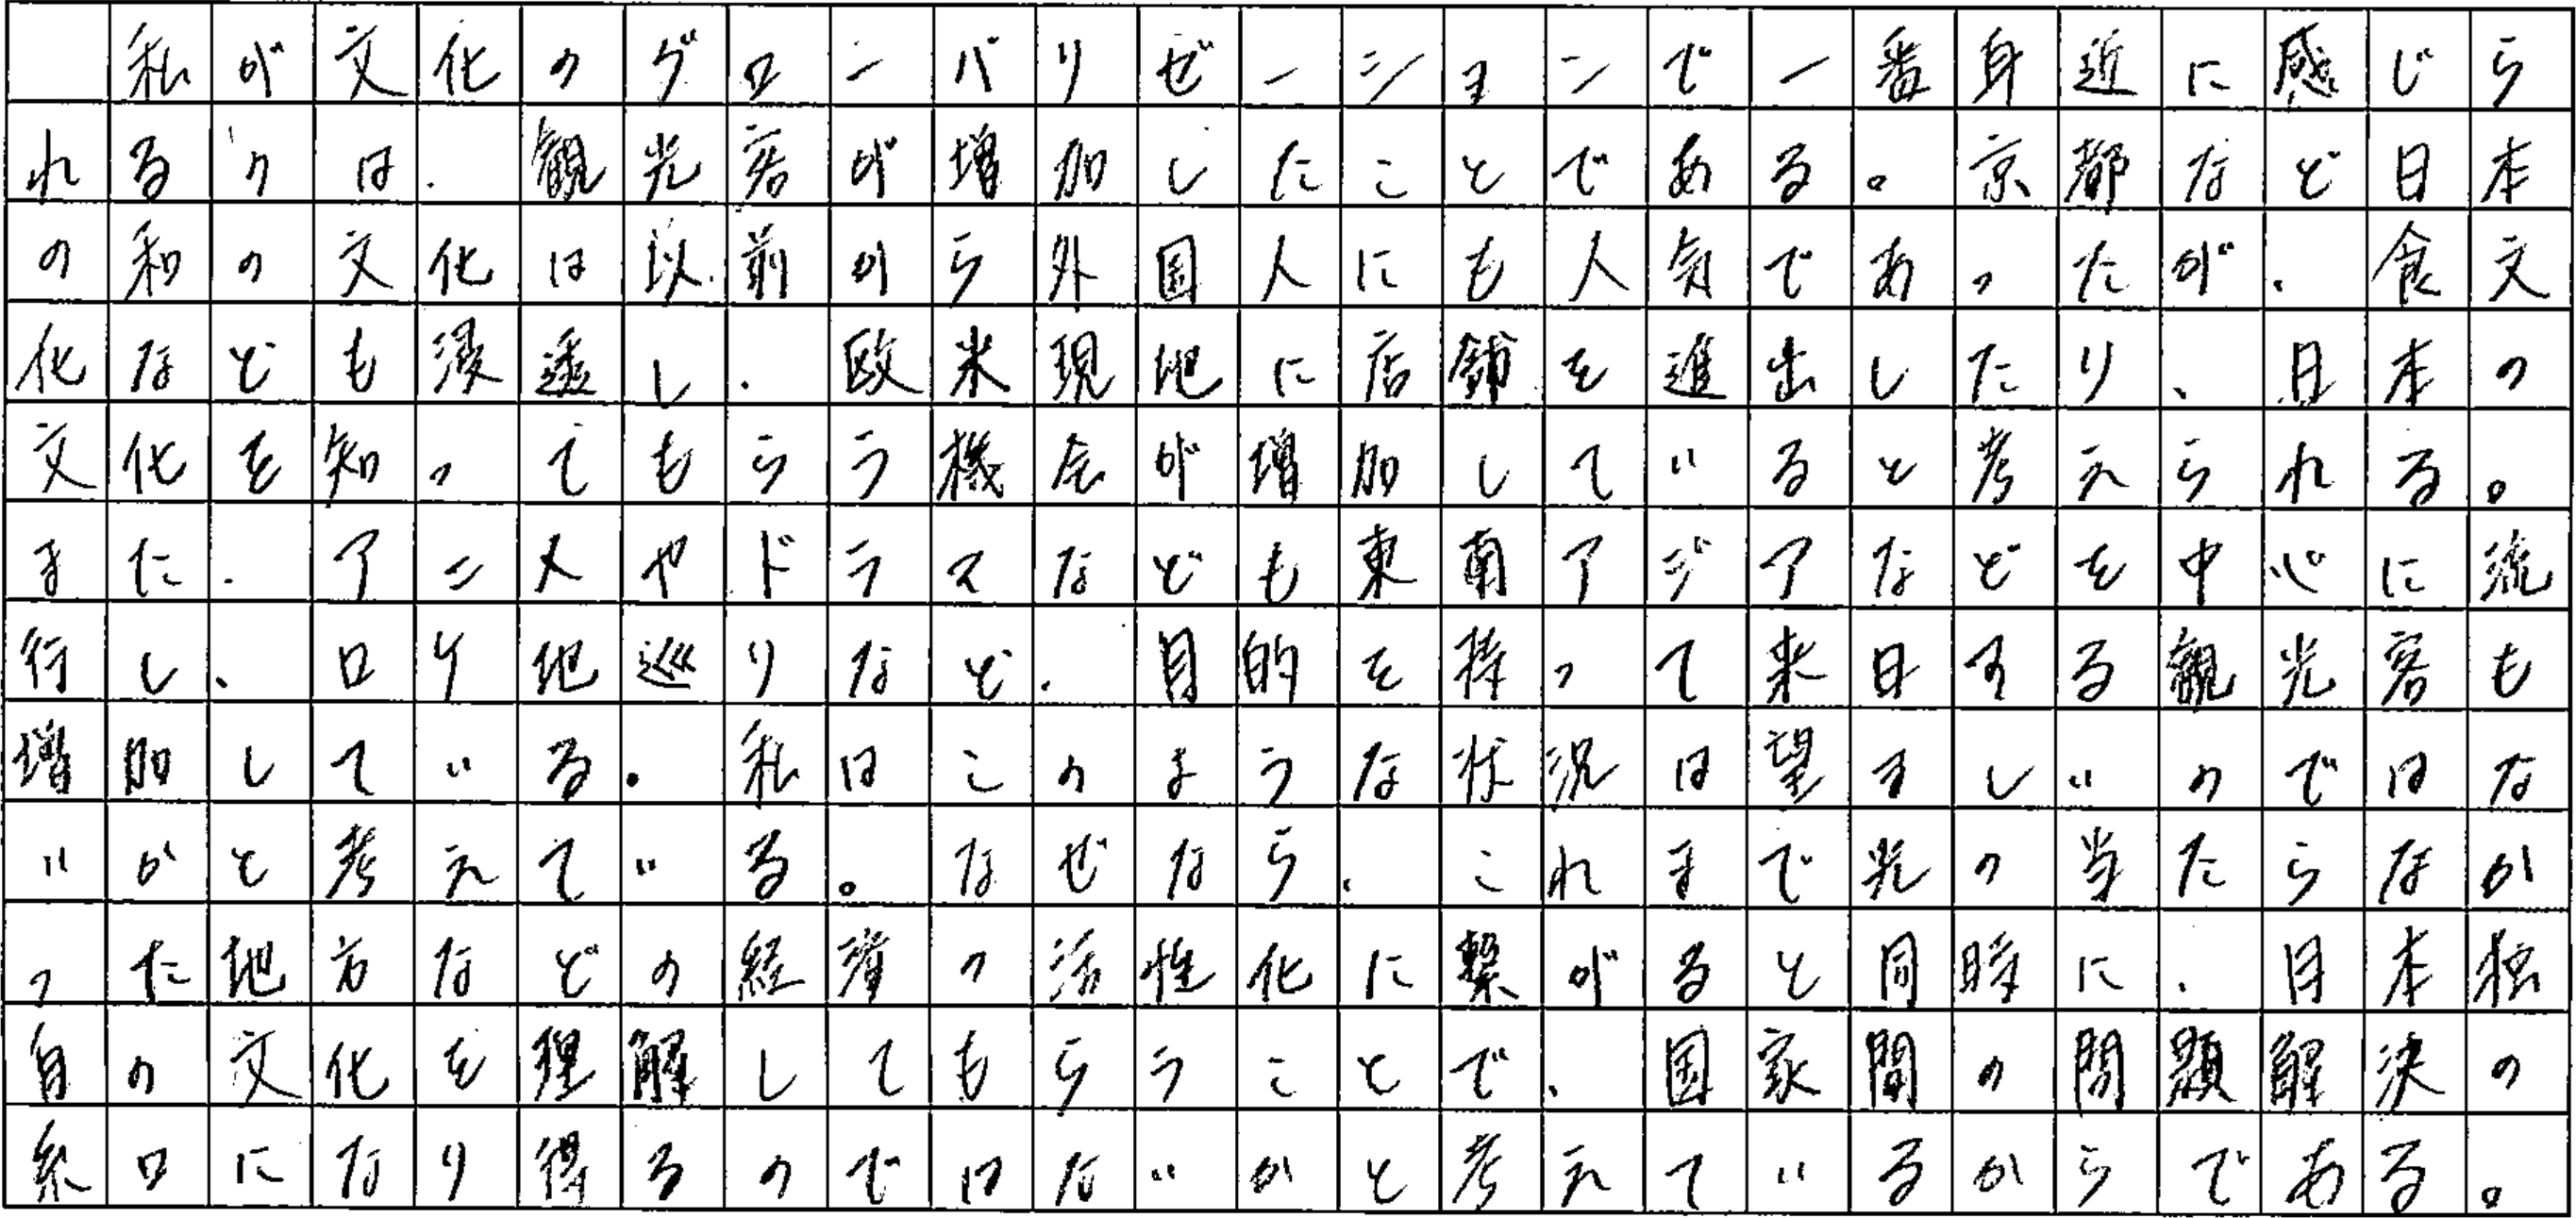　私が文化のグローバリゼーションで一番身近に感じられるのは、観光客が増加したことである。京都など日本の和の文化は以前から外国人にも人気であったが、食文化なども浸透し、欧米現地に店舗を進出したり、日本の文化を知ってもらう機会が増加していると考えられる。また、アニメやドラマなども東南アジアなどを中心に流行し、ロケ地巡りなど、目的を持って来日する観光客も増加している。私はこのような状況は望ましいのではないかと考えている。なぜなら、これまで光の当たらなかった地方などの経済の活性化に繋がると同時に、日本独自の文化を理解してもらうことで、国家間の問題解決の糸口になり得るのではないかと考えているからである。
